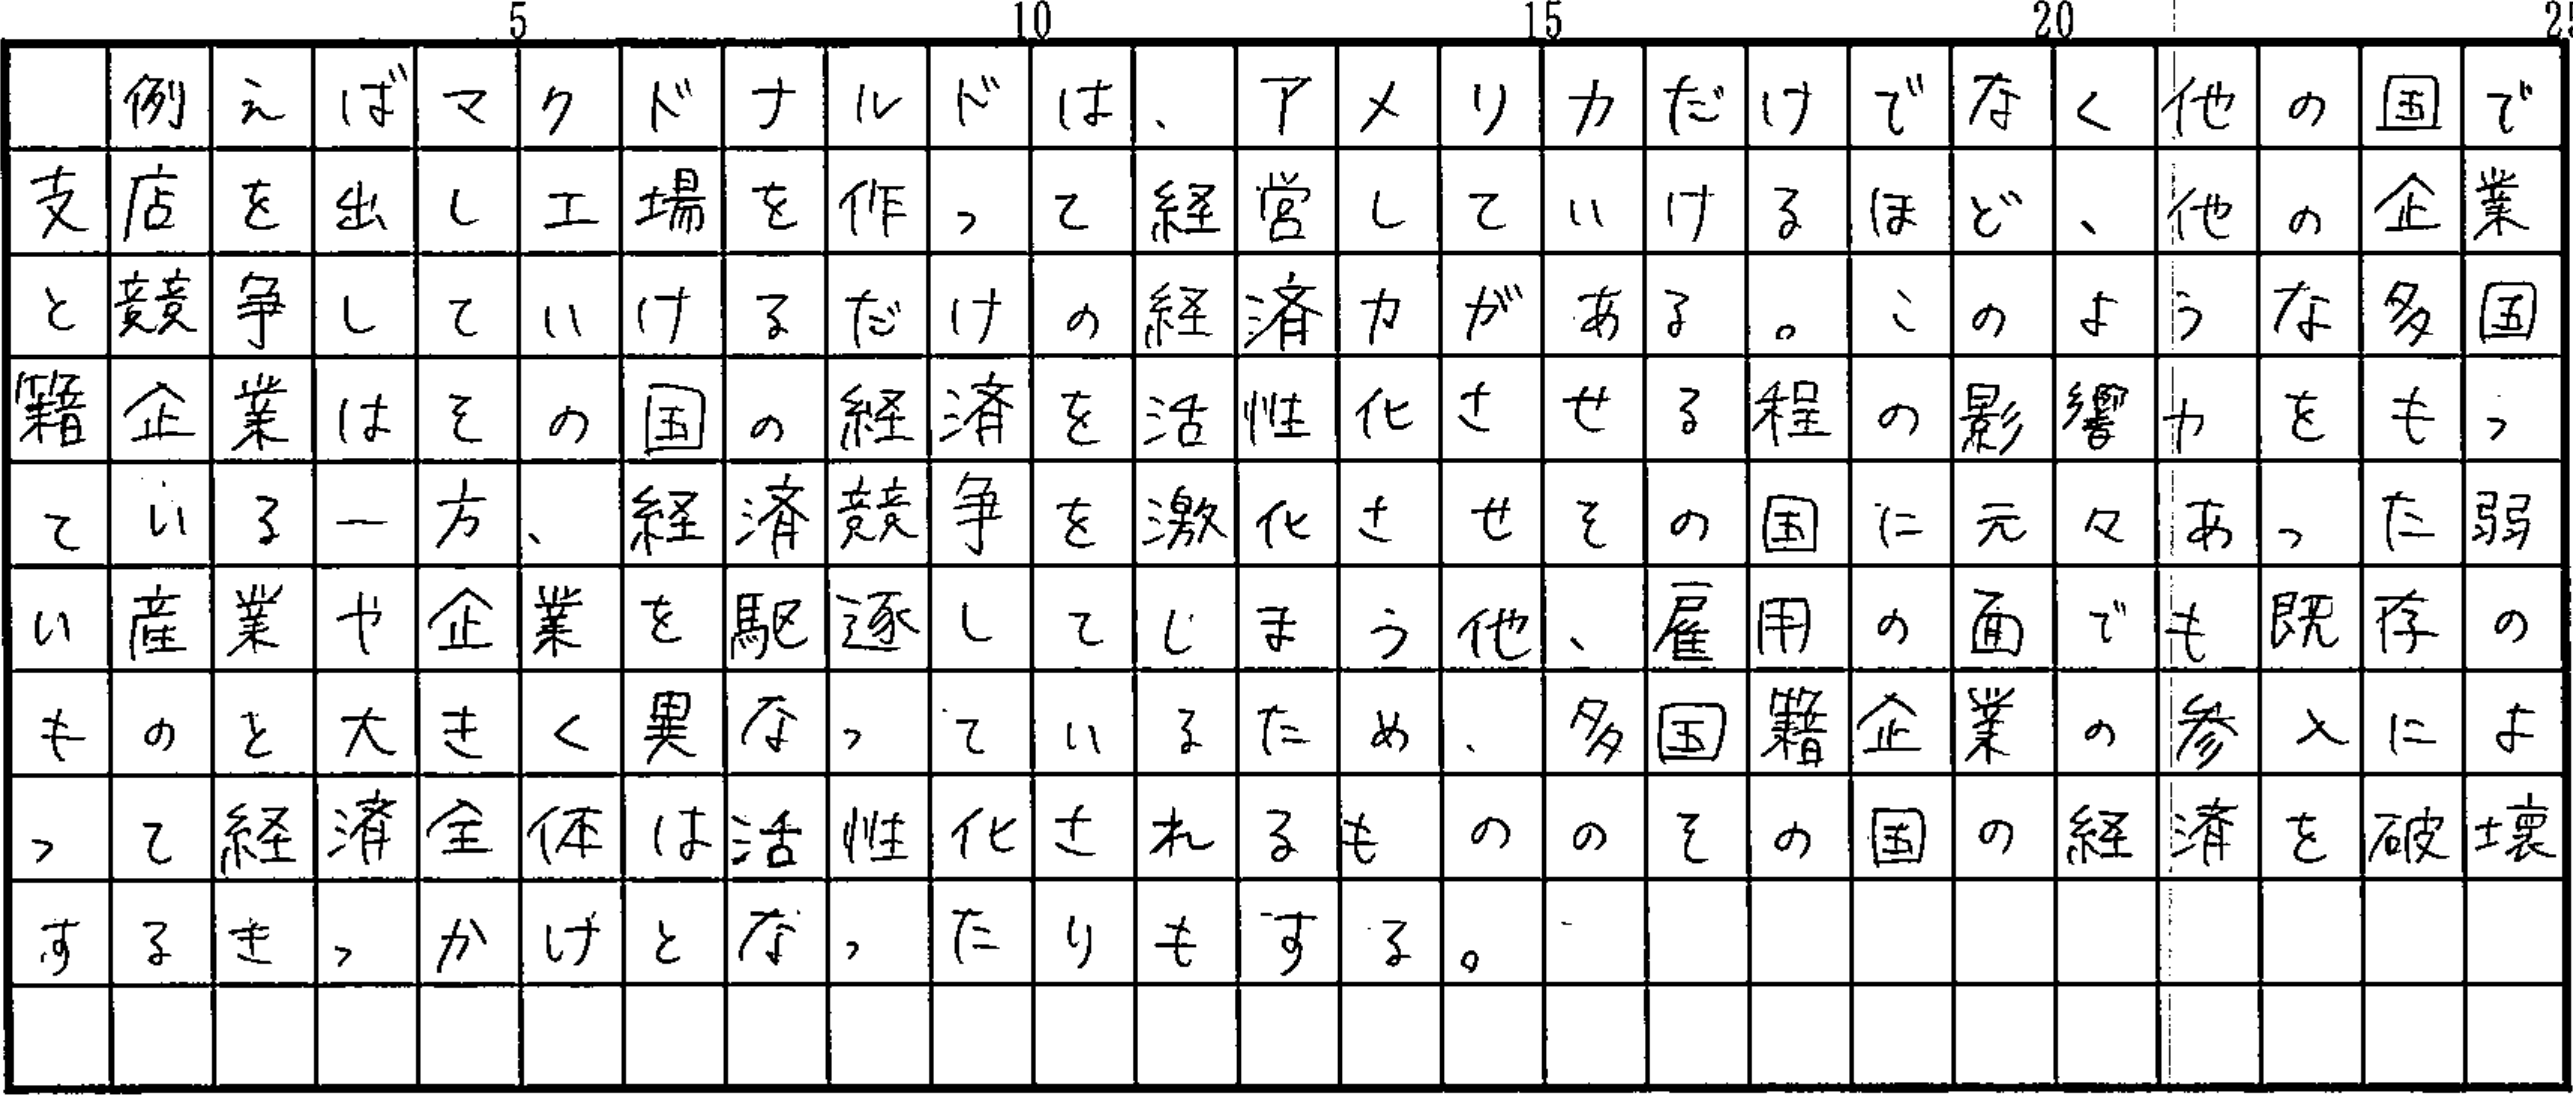　例えばマクドナルドは、アメリカだけでなく他の国で支店を出し工場を作って経営していけるほど、他の企業と競争していけるだけの経済力がある。このような多国籍企業はその国の経済を活性化させる程の影響力をもっている一方、経済競争を激化させその国に元々あった弱い産業や企業を駆逐してしまう他、雇用の面でも既存のものと大きく異なっているため、多国籍企業の参入によって経済全体は活性化されるもののその国の経済を破壊するきっかけとなったりもする。
